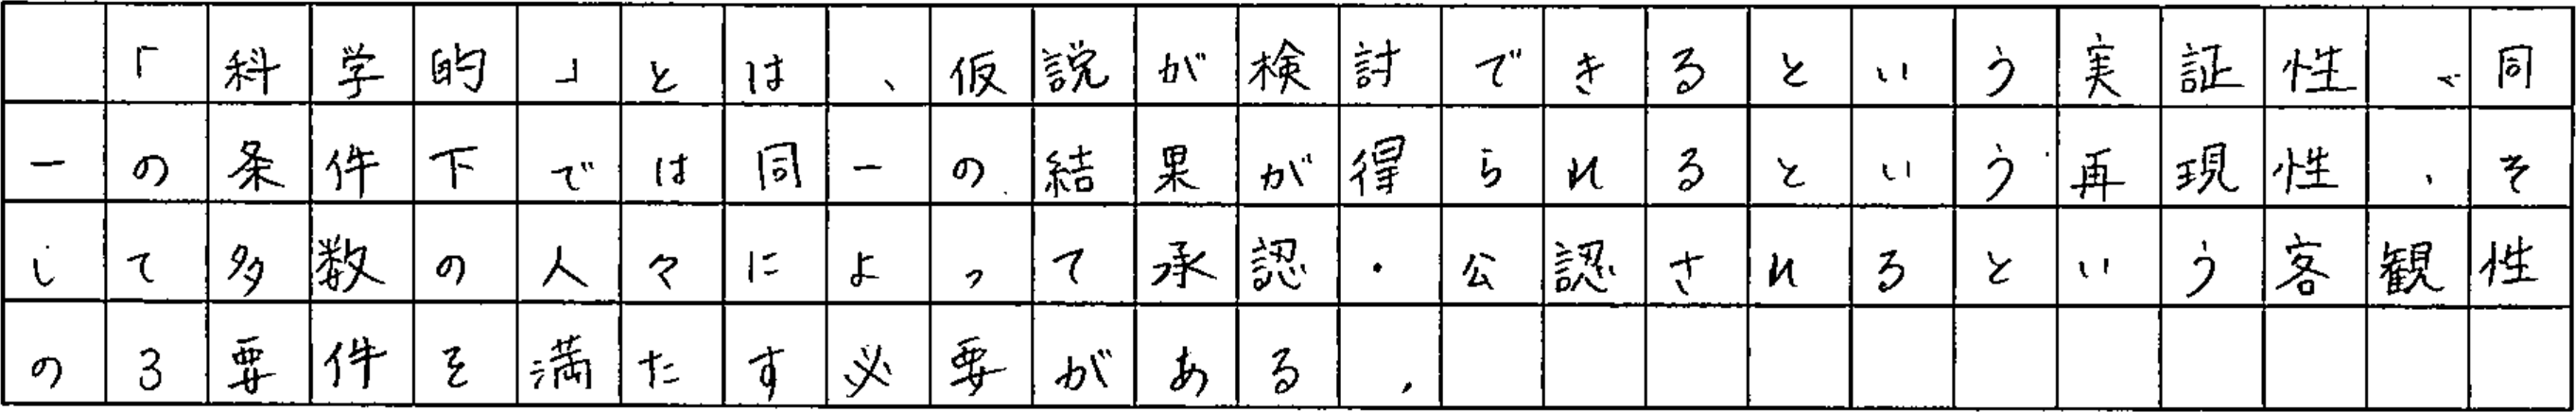　「科学的」とは、仮説が検討できるという実証性、同一の条件下では同一の結果が得られるという再現性、そして多数の人々によって、承認・公認されるという客観性の３要件を満たす必要がある。
